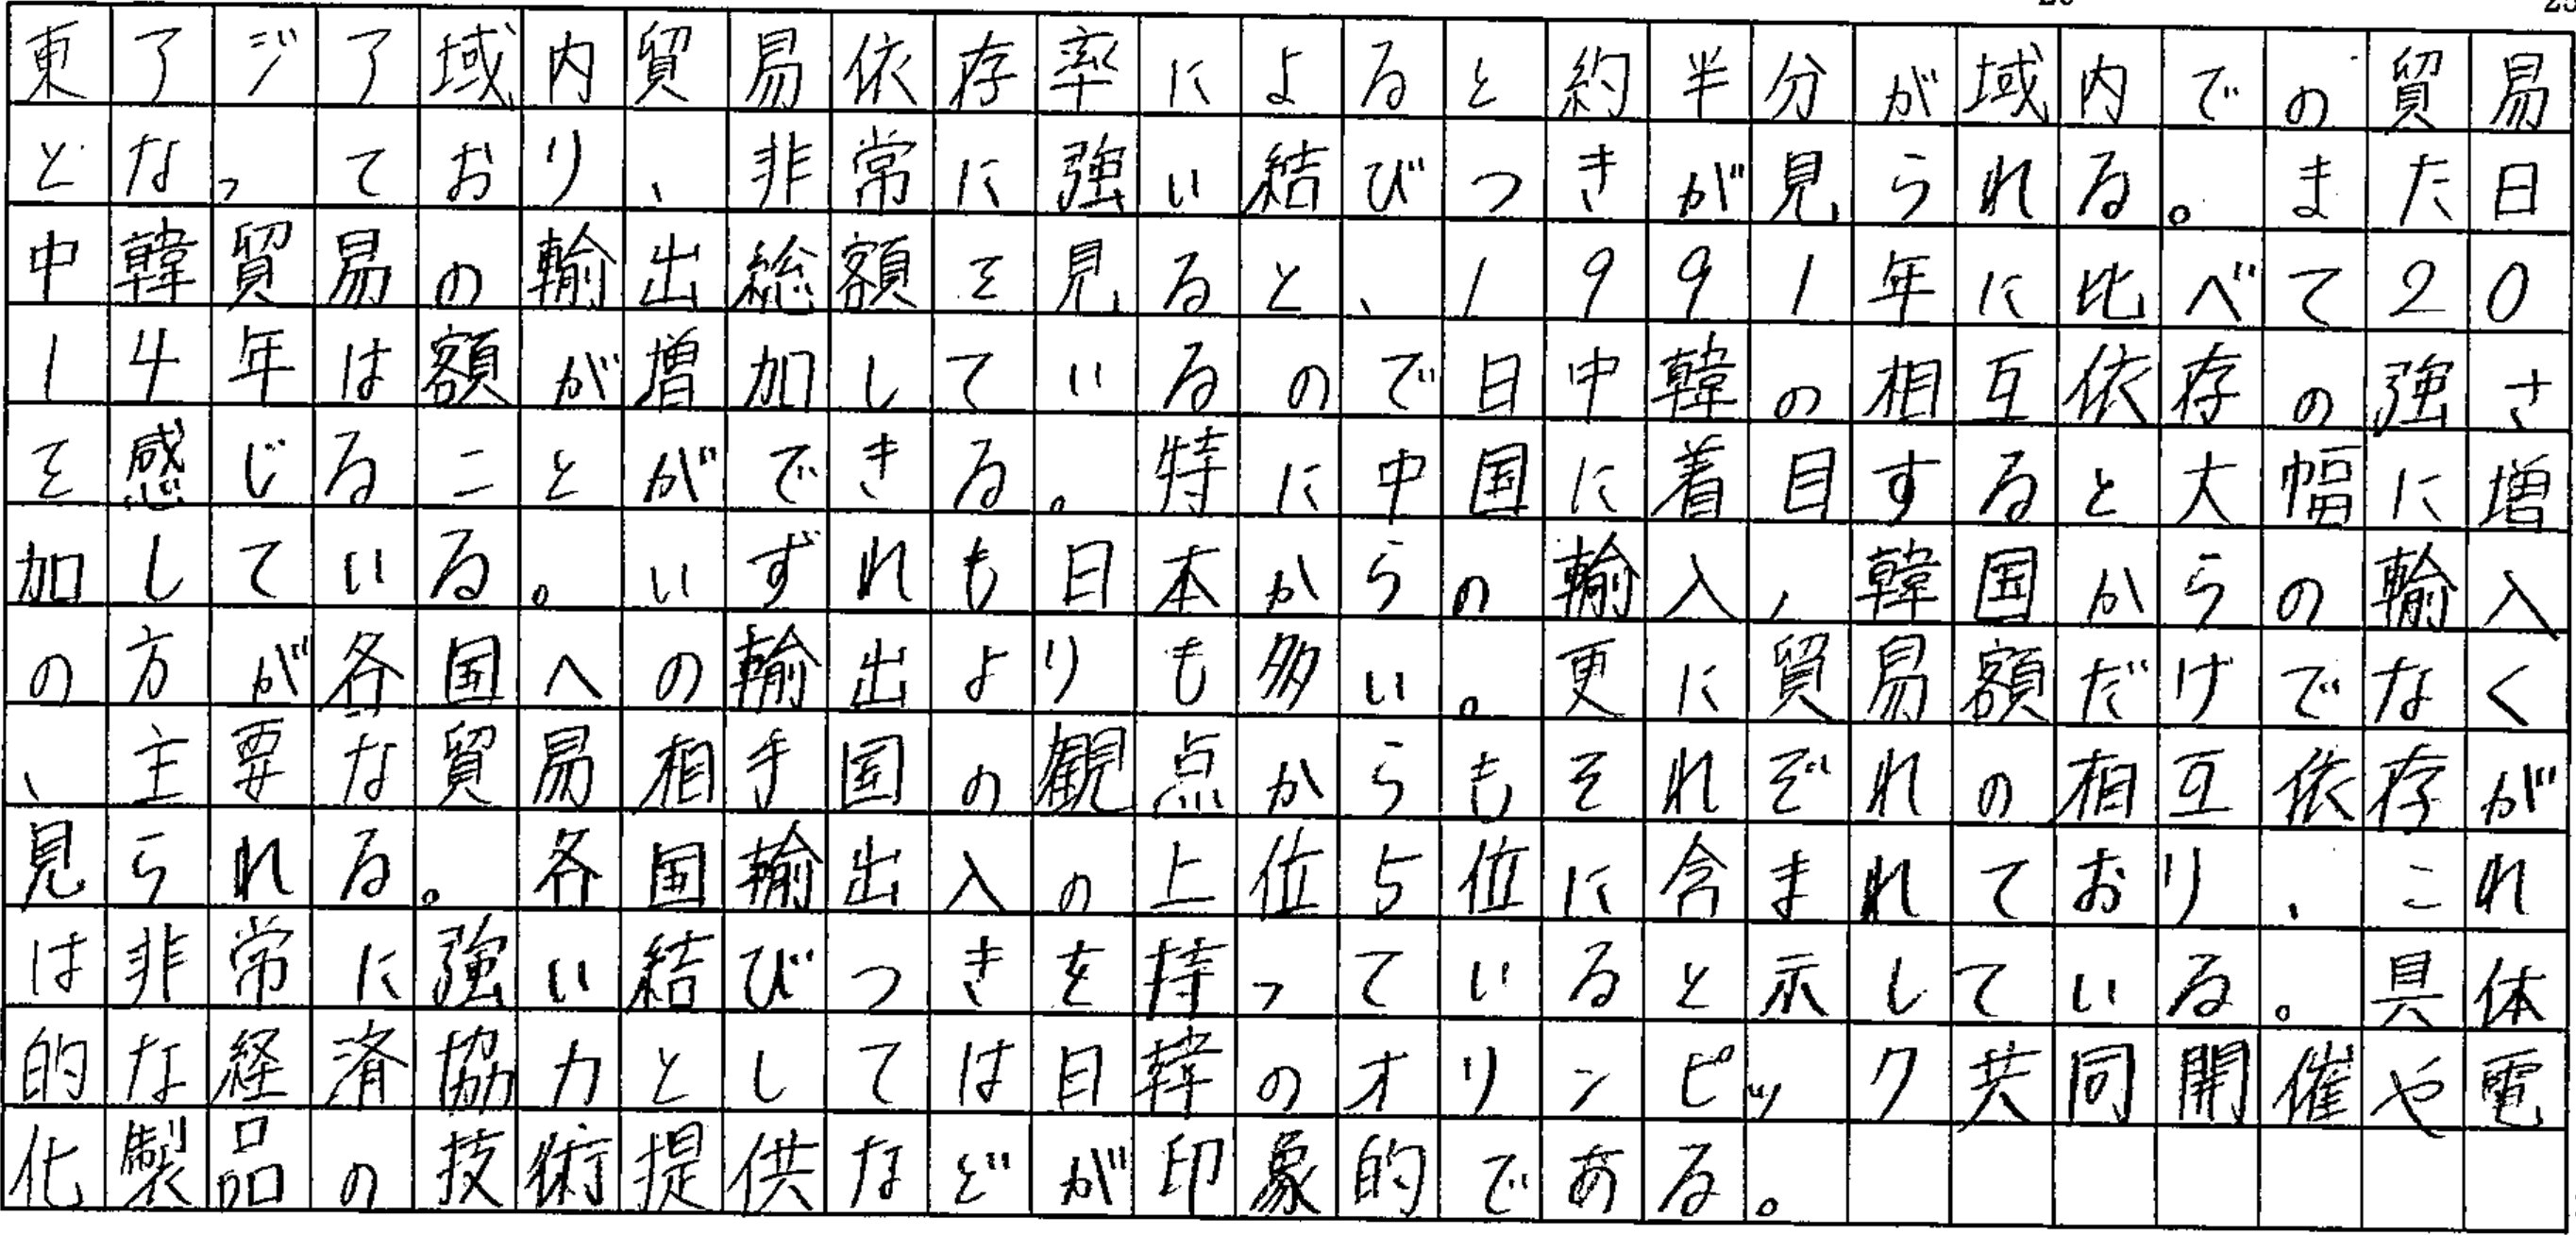東アジア域内貿易依存率によると約半分が域内での貿易となっており、非常に強い結びつきが見られる。また日中韓貿易の輸出総額を見ると、１９９１年に比べて２０１４年は額が増加しているので日中韓の相互依存の強さを感じることができる。特に中国に着目すると大幅に増加している。いずれも日本からの輸入，韓国からの輸入の方が各国への輸出よりも多い。更に貿易額だけでなく、主要な貿易相手国の観点からもそれぞれの相互依存が見られる。各国輸出入の上位５位に含まれており、これは非常に強い結びつきを持っていると示している。具体的な経済協力としては日韓のオリンピック共同開催や電化製品の技術提供などが印象的である。
